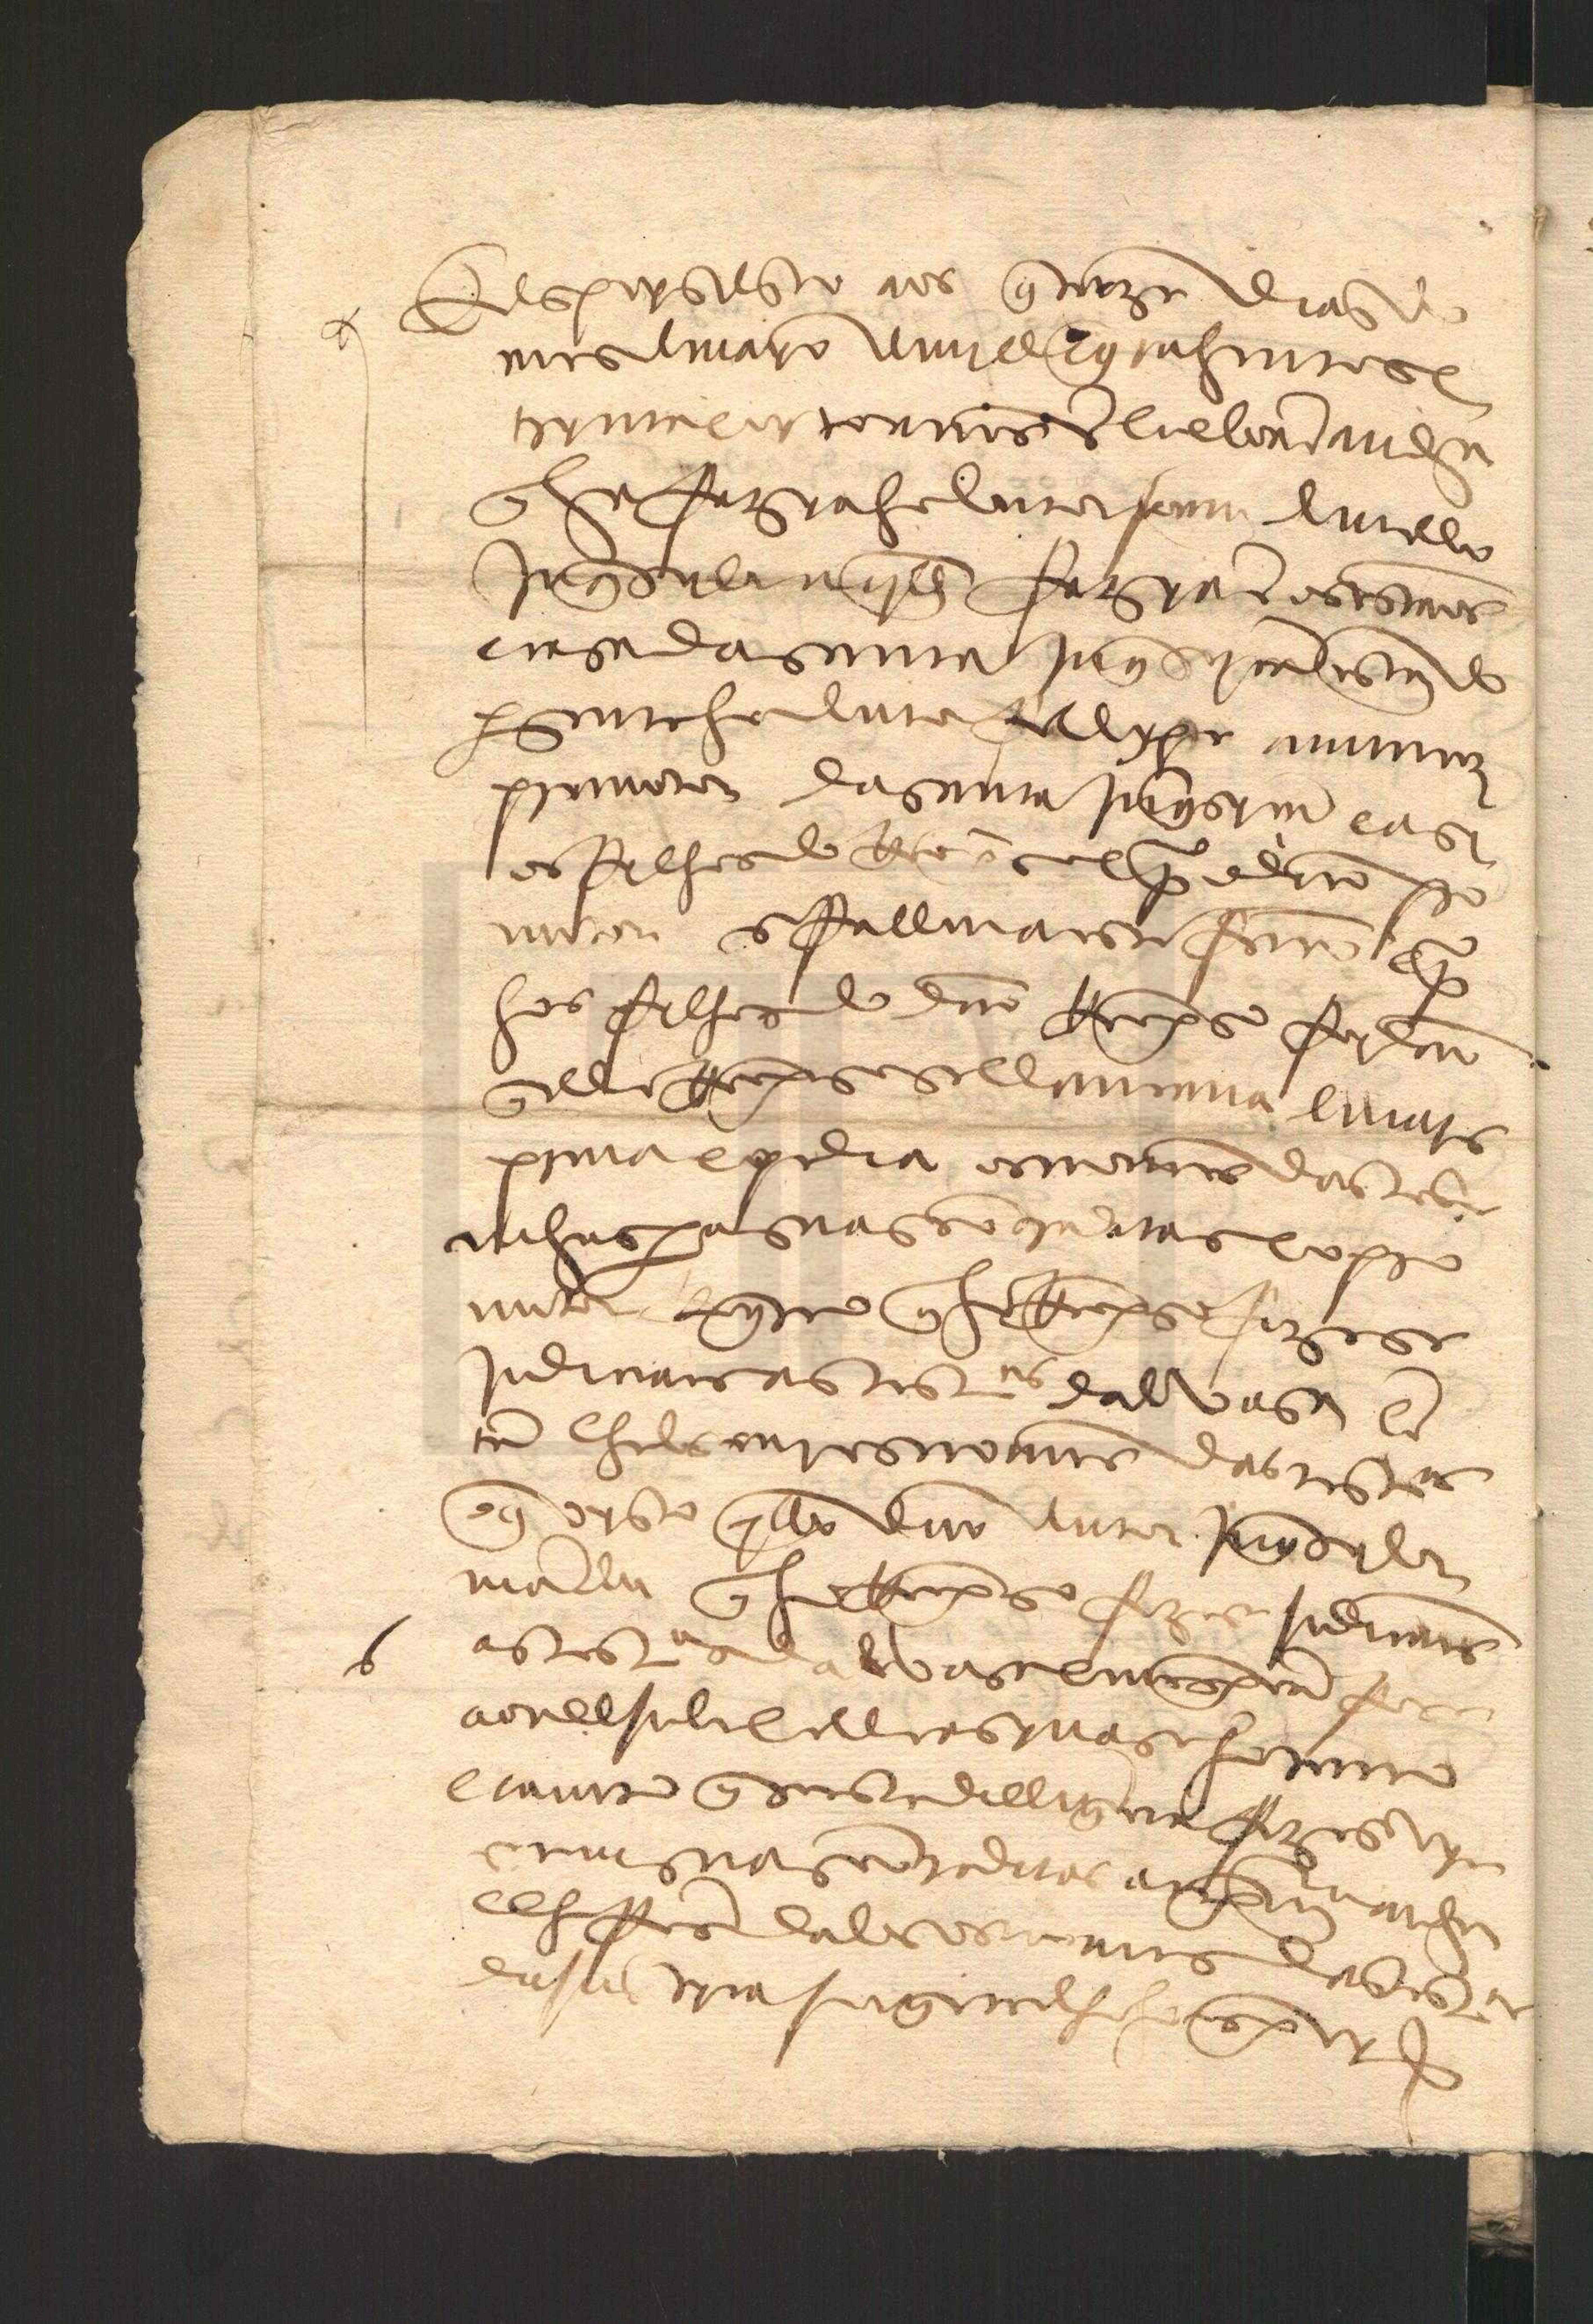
E despoys desto aos q̄inze dias do
mes de mayo de mjll e q̄inhentos e
trynta e oyto anōs ē lixboa ē audja
q̄ hi fazya ho doutor Joam de mello
Jnq̄sydor a q̄ll fazya ē os estaos
e casa da santa Jnq̄sycā ēstado
ꝑsente ho doutor fellype amtunez
promotor da santa Jnq̄syçā e asy
os fylhos do Reo p̄so e p̄o o dito pro
motor se fallou a este feito e p̄o
hos fylhos do dito Reo p̄so foy dito
q̄ elle Reo p̄so se llancaua de majs
proua e pedia os nomes das teste
munhas ꝑa suas c̄otraditas e o pro
motor Req̄reo q̄ ho Reo p̄so fizese
Judiciaes as testas da devasa e ē
tā lhe desem os nomes das testas
o q̄ vysto p̄llo dito doutor Jnq̄sydor
mādou q̄ ho Reo p̄so fezese Judicaes
as testas da devasa e eu esp̄vā fose
ao allJube e elle asynase ho termo
e tamto q̄ se esta dilligēcia fezese vye
se com suas c̄otraditas ate p̄mra audja
e lhe fosē dados os nomes das testas
da Justyca Jorge coelho ho ēspvy
